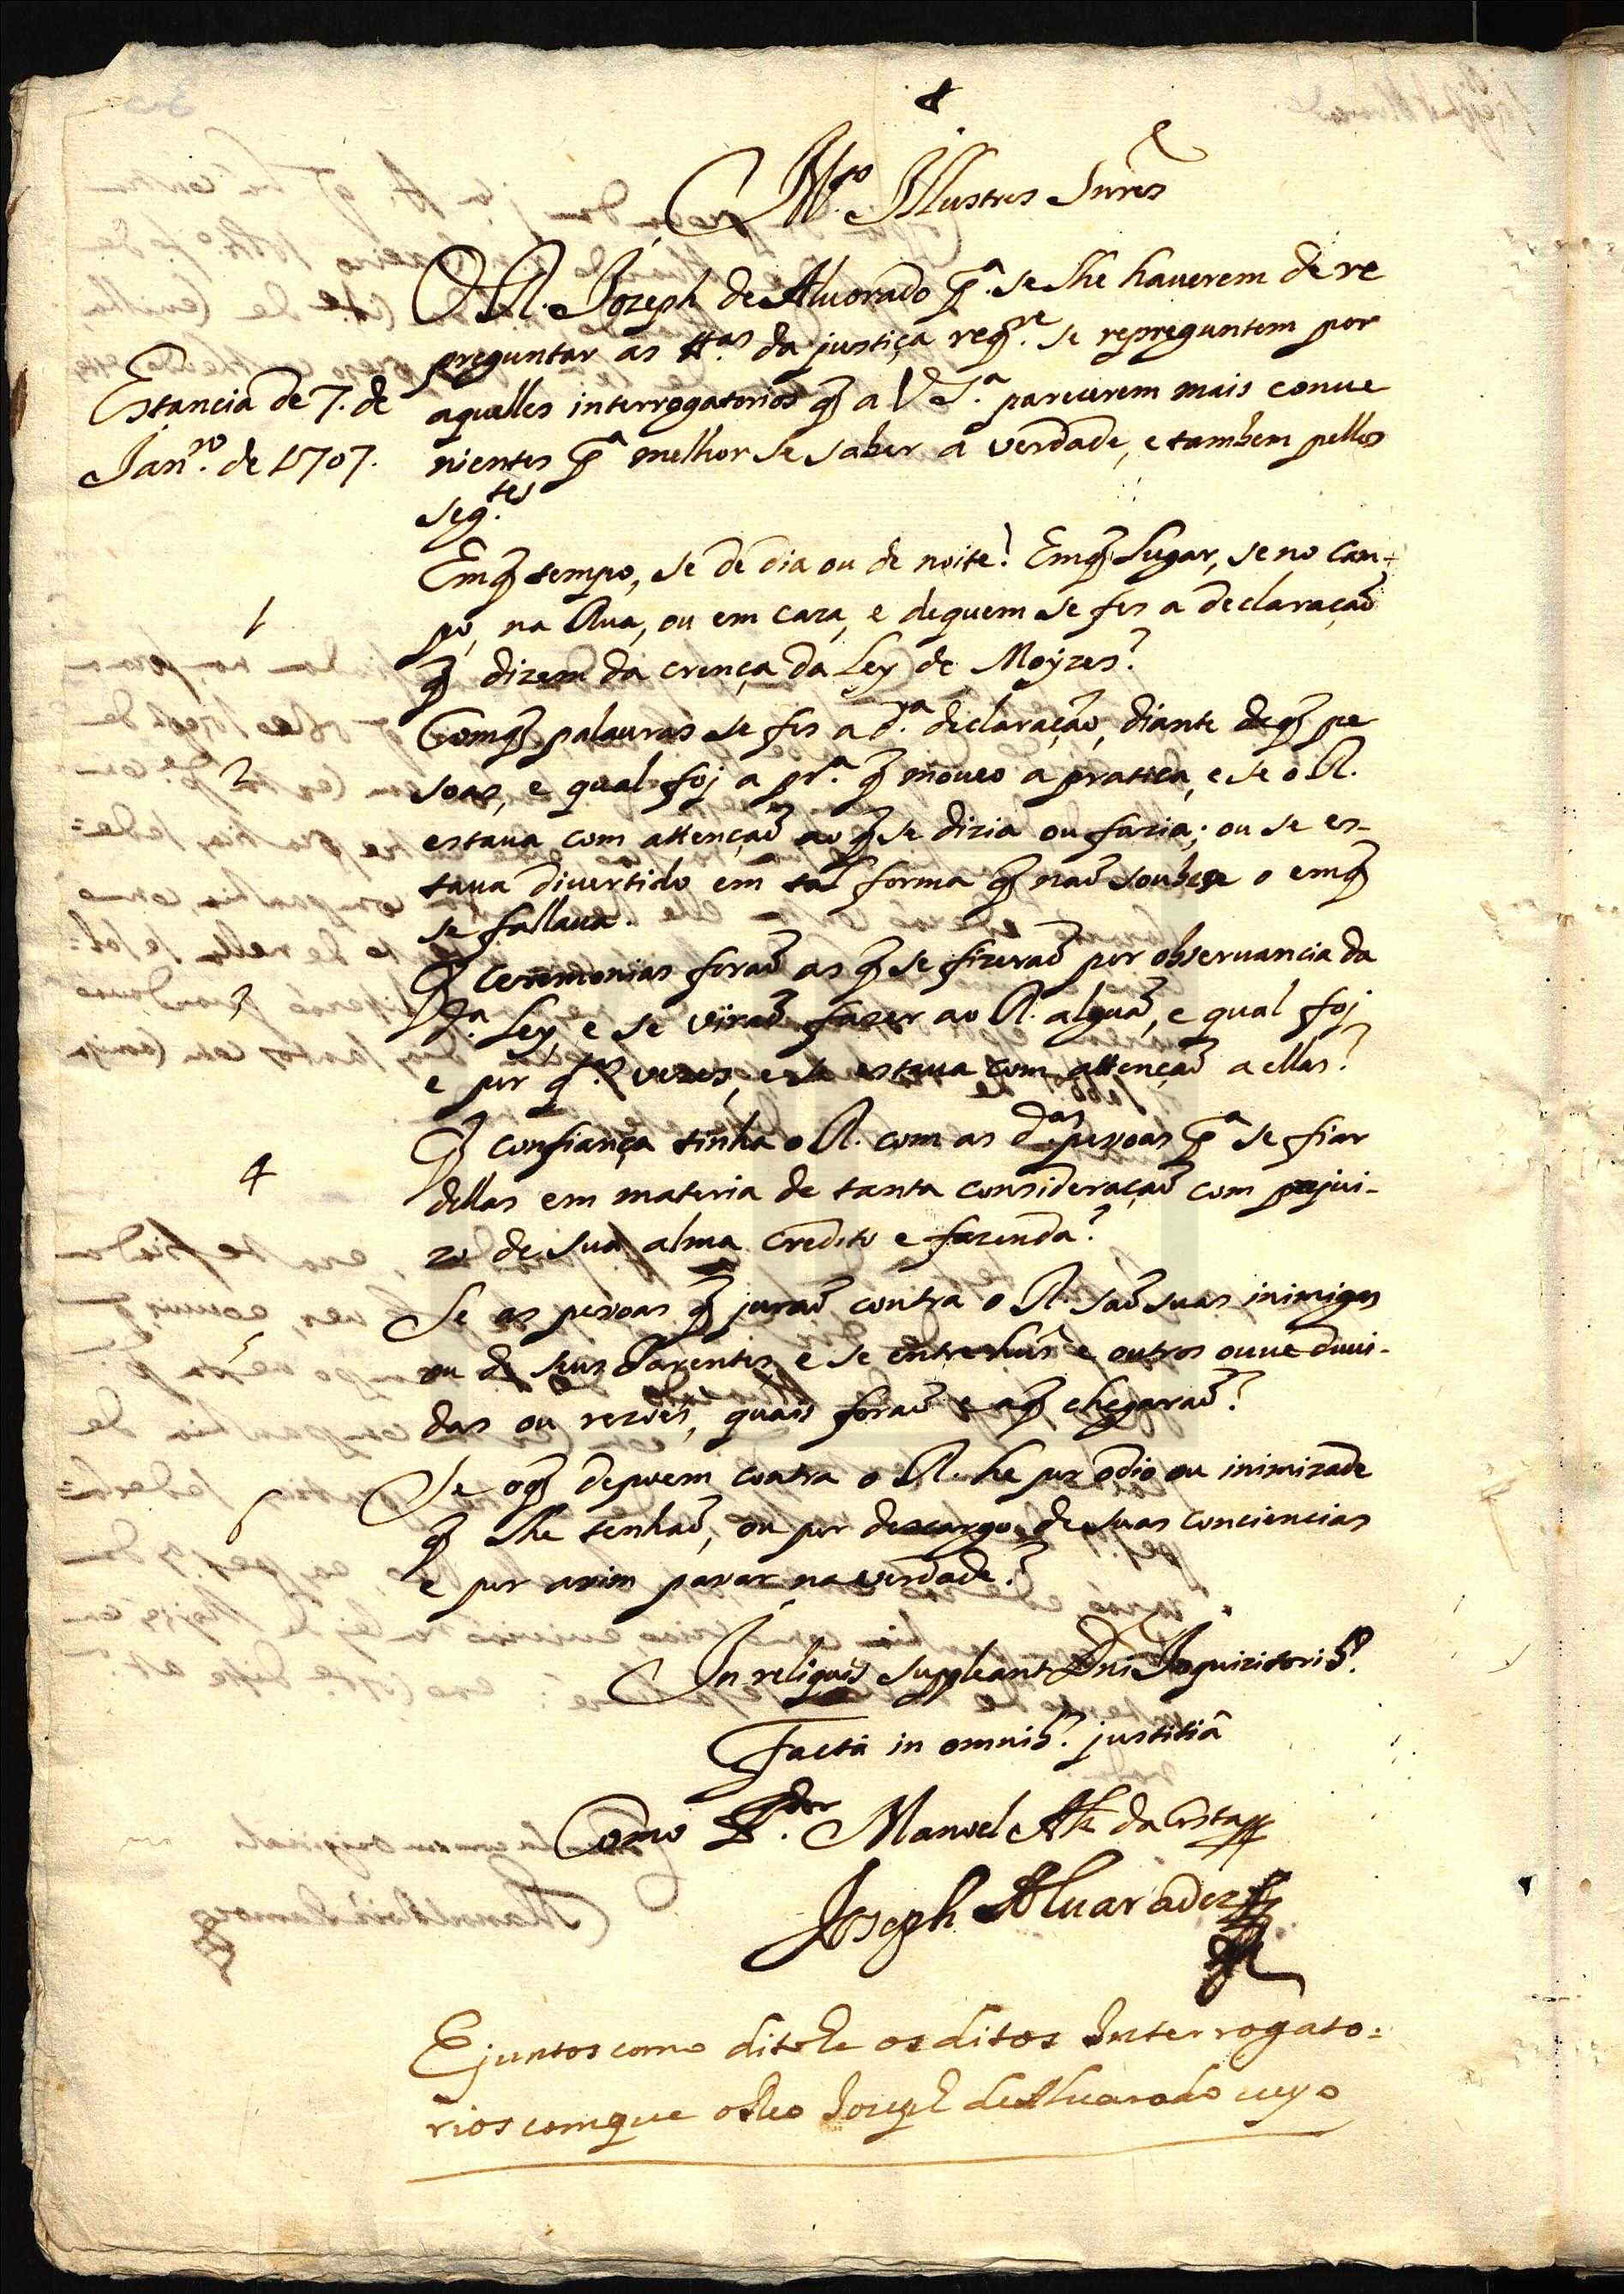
M.to Illustres Snres̄
O R. Iozeph de Aluorado p.a se lhe hauerem de re
preguntar as tt.as da justiça req.re se repreguntem por
aquelles interrogatorios q̄ a V S.a parecerem mais conue
Estancia de 7. de
nientes pa melhor se saber a verdade, e tambem pellos
Ian.ro de 1707.
seg.tes
Em q̄ tempo, se de dia ou de noite? Em q̄ Lugar, se no cam
po, na Rua, ou em caza, e de quem se fez a declaraçaõ
q̄ dizem da crença da Ley de Moyzes?
Com q̄ palauras se fes a d.a declaração, diante de q̄ pe
soas, e qual foj a pr.a q̄ moueo a pratica, e se o R.
estaua com attençaõ ao q̄ se dizia ou fazia; ou se es
taua diuertido em tal forma q̄ naõ soubese o em q̄
se fallaua.
Q ceremonias foraõ as q̄ se fizeraõ por obseruancia da
d.a Ley, e se viraõ fazer ao R. alguā, e qual foj
e por q.tas vezes, e se estaua com attençaõ a ellas?
Q̄ confiança tinha o R. com as das pessoas pa se fiar
dellas em materia de tanta consideraçaõ com prejui
zo de sua alma credito e fazenda?
Se as pesoas q̄ juraõ contra o R. saõ suas inimigas
ou de seus Parentes, e se entre hus̄ e outros ouue duui
das ou rezoes, quais foraõ e a q̄ chegaraõ?
Se o q̄ depoem contra o R. he por odio, ou inimizade
q̄ lhe tenhaõ, ou por descargo de suas conciencias
e por asim pasar na verdade?
In reliques suppleant Dni Inquizitorib?
Facta in omnib? justitia
Como P.or Manoel Alz̄ da Costa
Joseph Aluarado
E juntos como dito he os ditos Interrogato
rios com que o Reo Iozeph de Aluarado ueyo
